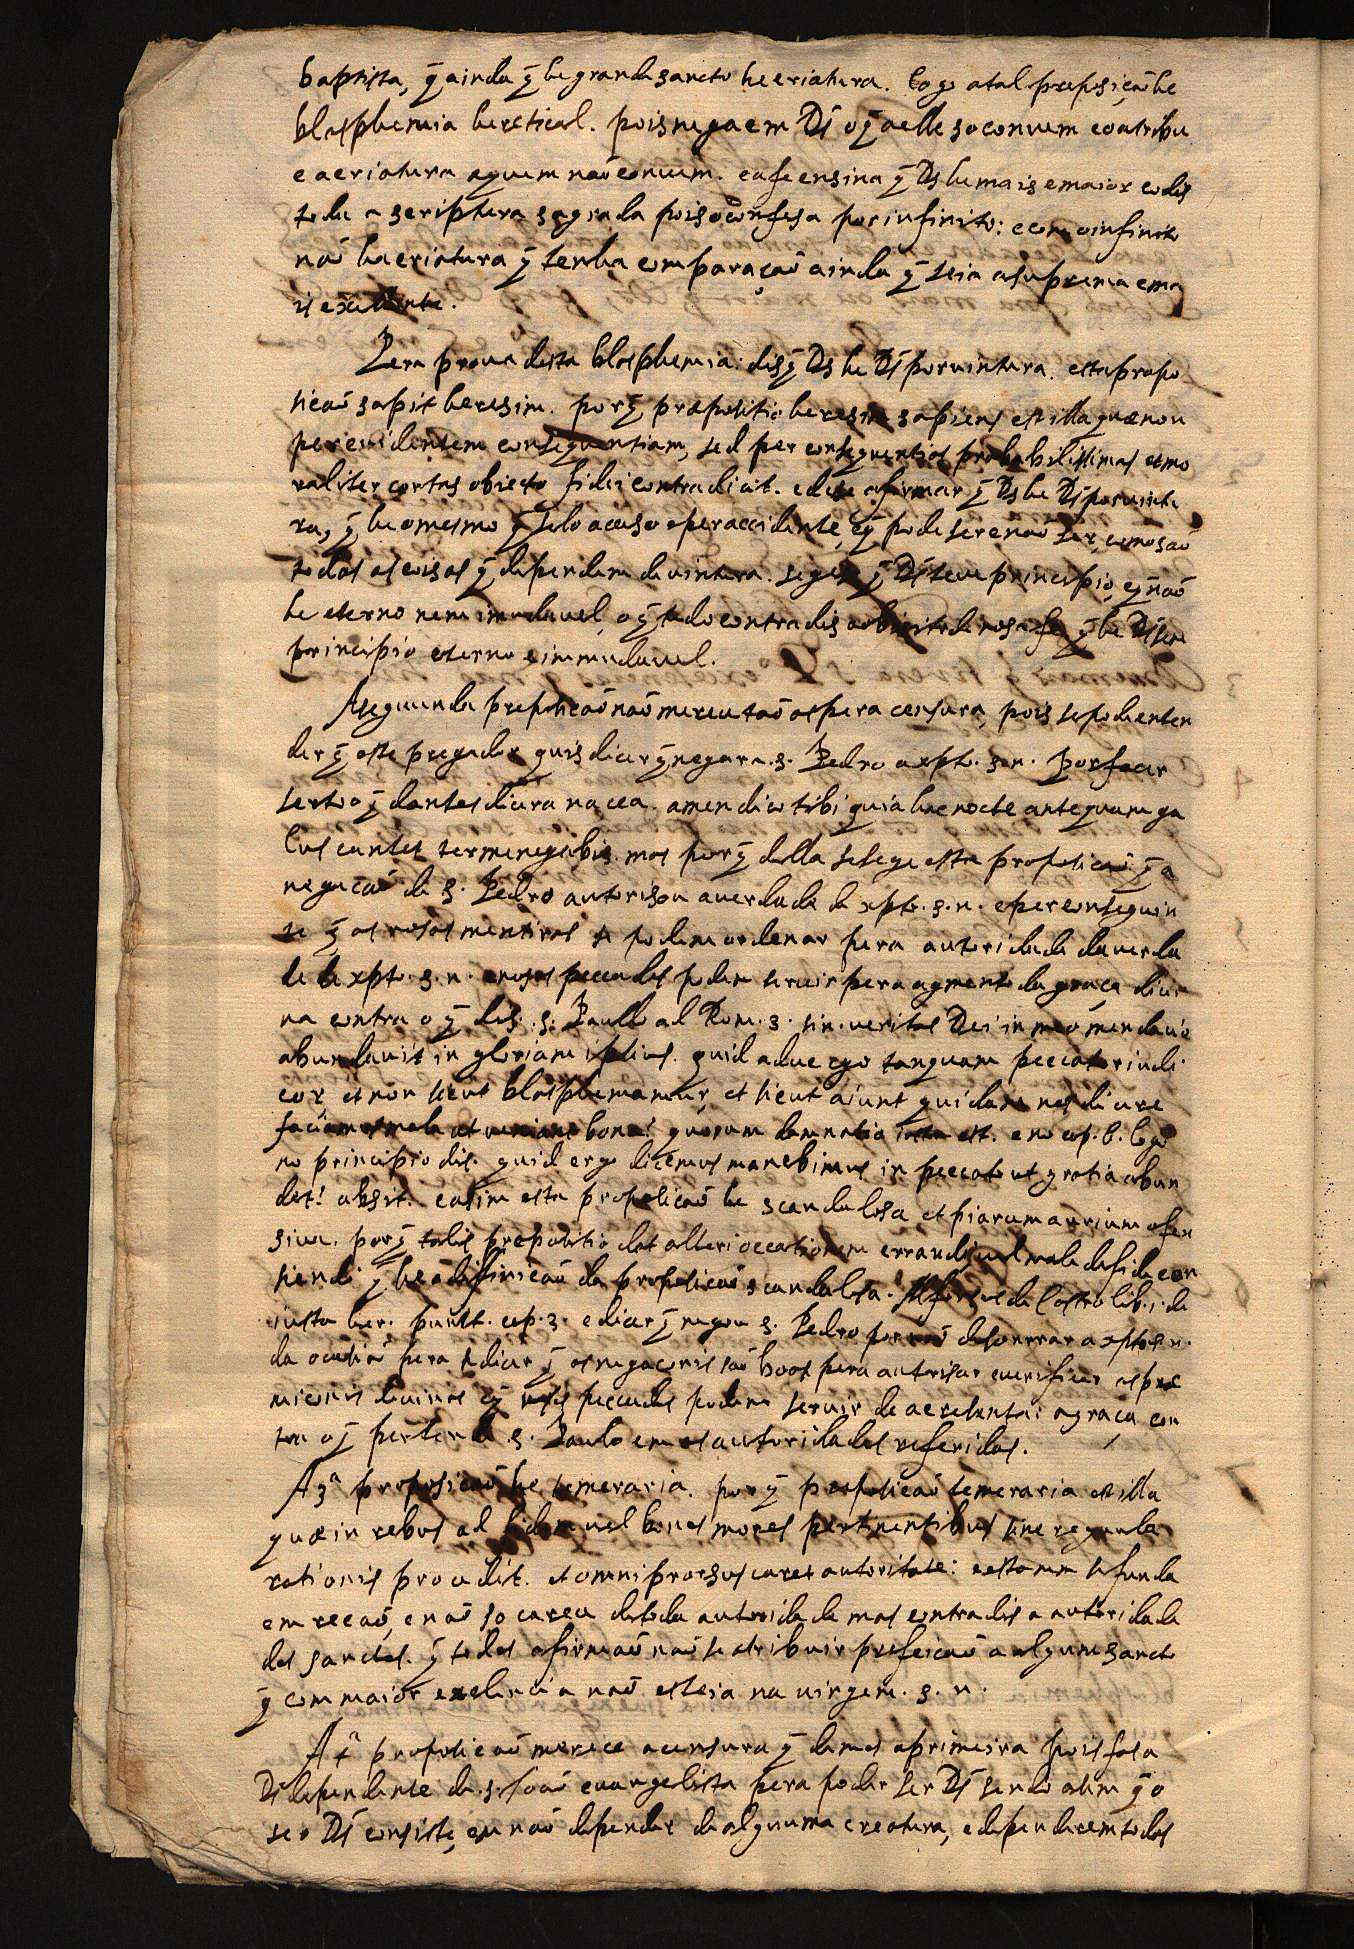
baptista, q̄ ainda q̄ he grande sancto he criatura. logo a tal proposiçaõ he
blasphemia heretical. pois nega em Ds̄ o q̄ a elle so conuem e o atribu
e a criatura a quem naõ conuem. e a fe ensina q̄ Ds he mais e maior e o dis
toda a scriptura sagrada pois o confesa por infinito: e com o infinito
naõ ha criatura q̄ tenha comparaçaõ ainda q̄ seia a suprema e ma
is excelente.
Pera proua desta blasphemia dis q̄ Ds he Ds̄ por uintura. esta propo
siçaõ sapit heresim. porq̄ præpositio heresim sapiens est illa quæ non
per euidentem consequentiam, sed per consequentias probabilissimas et mo
raliter certas obiecto fidei contradicit. e dise afirmar q̄ Ds he Ds̄ por uintu
ra, q̄ he o mesmo q̄ selo acaso e per accidente, e q̄ pode ser e naõ ser, como saõ
todas as coisas q̄ dependem de uintura. segese q̄ Ds̄ tem principio, e q̄ naõ
he eterno nem imudauel, o q̄ tudo contradis ao b ito de nosa fe q̄ he Ds̄ ser
principio eterno e immudauel.
A seguunda preposiçaõ naõ merece taõ aspera censura, pois se pode enten
der q̄ este pregador quis dicer q̄ negara .s. Pedro a xpto. s. n. por facer
serto o q̄ dantes dicera na cea. amen dico tibi quia hac nocte ante quam ga
lus cantet ter me negabis. mas porq̄ della se sege esta proposiçaõ q̄ a
negaçaõ de S. Pedro autorisou a uerdade de xpto. s. n. e per conseguin
te q̄ as nosas mentiras se podem ordenar pera autoridade da uerda
de de xpto. s. n. e nosos peccados podem seruir pera agmento da graça diui
na contra o q̄ dis .S. Paullo ad Rom. 3. sin. ueritas Dei in meo mendacio
abundauit in gloriam ipsius quid aduc ego tanquam peccator iudi
cor et non sicut blasfemamur, et sicut aiunt quidam nos dicere
faciamus mala ut ueniant bona? quorum damnatio iusta est. e no cap. 6. logo
no principio dis. quid ergo dicemus manebimus in peccato ut gratia abun
det? absit. e asim esta proposiçaõ he scandalosa et piarum aurium ofen
siua. porq̄ talis prepositio dat alteri occasionem erraudiuel male defide con
siendi q̄ he a diffiniçaõ da proposiçaõ scandalosa. Alfonsus de Castro lib. 1. de
iusta her. punit. cap. 3. e dicer q̄ negou s. Pedro por naõ desonrrar a xpto s. n.
da ocasiaõ pera se dicer q̄ as negaconis saõ boas pera autorisar e uerificar as pre
uiçonis diuinas e q̄ nosos peccados podem seruir de acresentar a graça con
tra o q̄ pertende s. Paulo em as autoridades referidas.
A 3a proposiçaõ he temeraria porq̄ proposiçaõ temeraria est illa
quæ in rebus ad fidem uel bones mores pertinentibus sine reguula
rationis procedit. et omni prorsus caret autoritate: e esta nom se funda
em reçaõ, e naõ so carece de toda autoridade mas contradis a autoridade
dos sanctos. q̄ todos afirmaõ naõ se atribuir prefeiçaõ a algum sancto
q̄ com maior exelencia naõ esteia na uirgem. s. n.
A 4a proposiçaõ merece a censura q̄ demos a primeira pois fas a
Ds̄ dependente de s. Ioaõ euangelista pera poder ser Ds̄ sendo asim q̄ o
ser Ds̄ consiste, em naõ depender de alguma creatura, e dependerem todas
